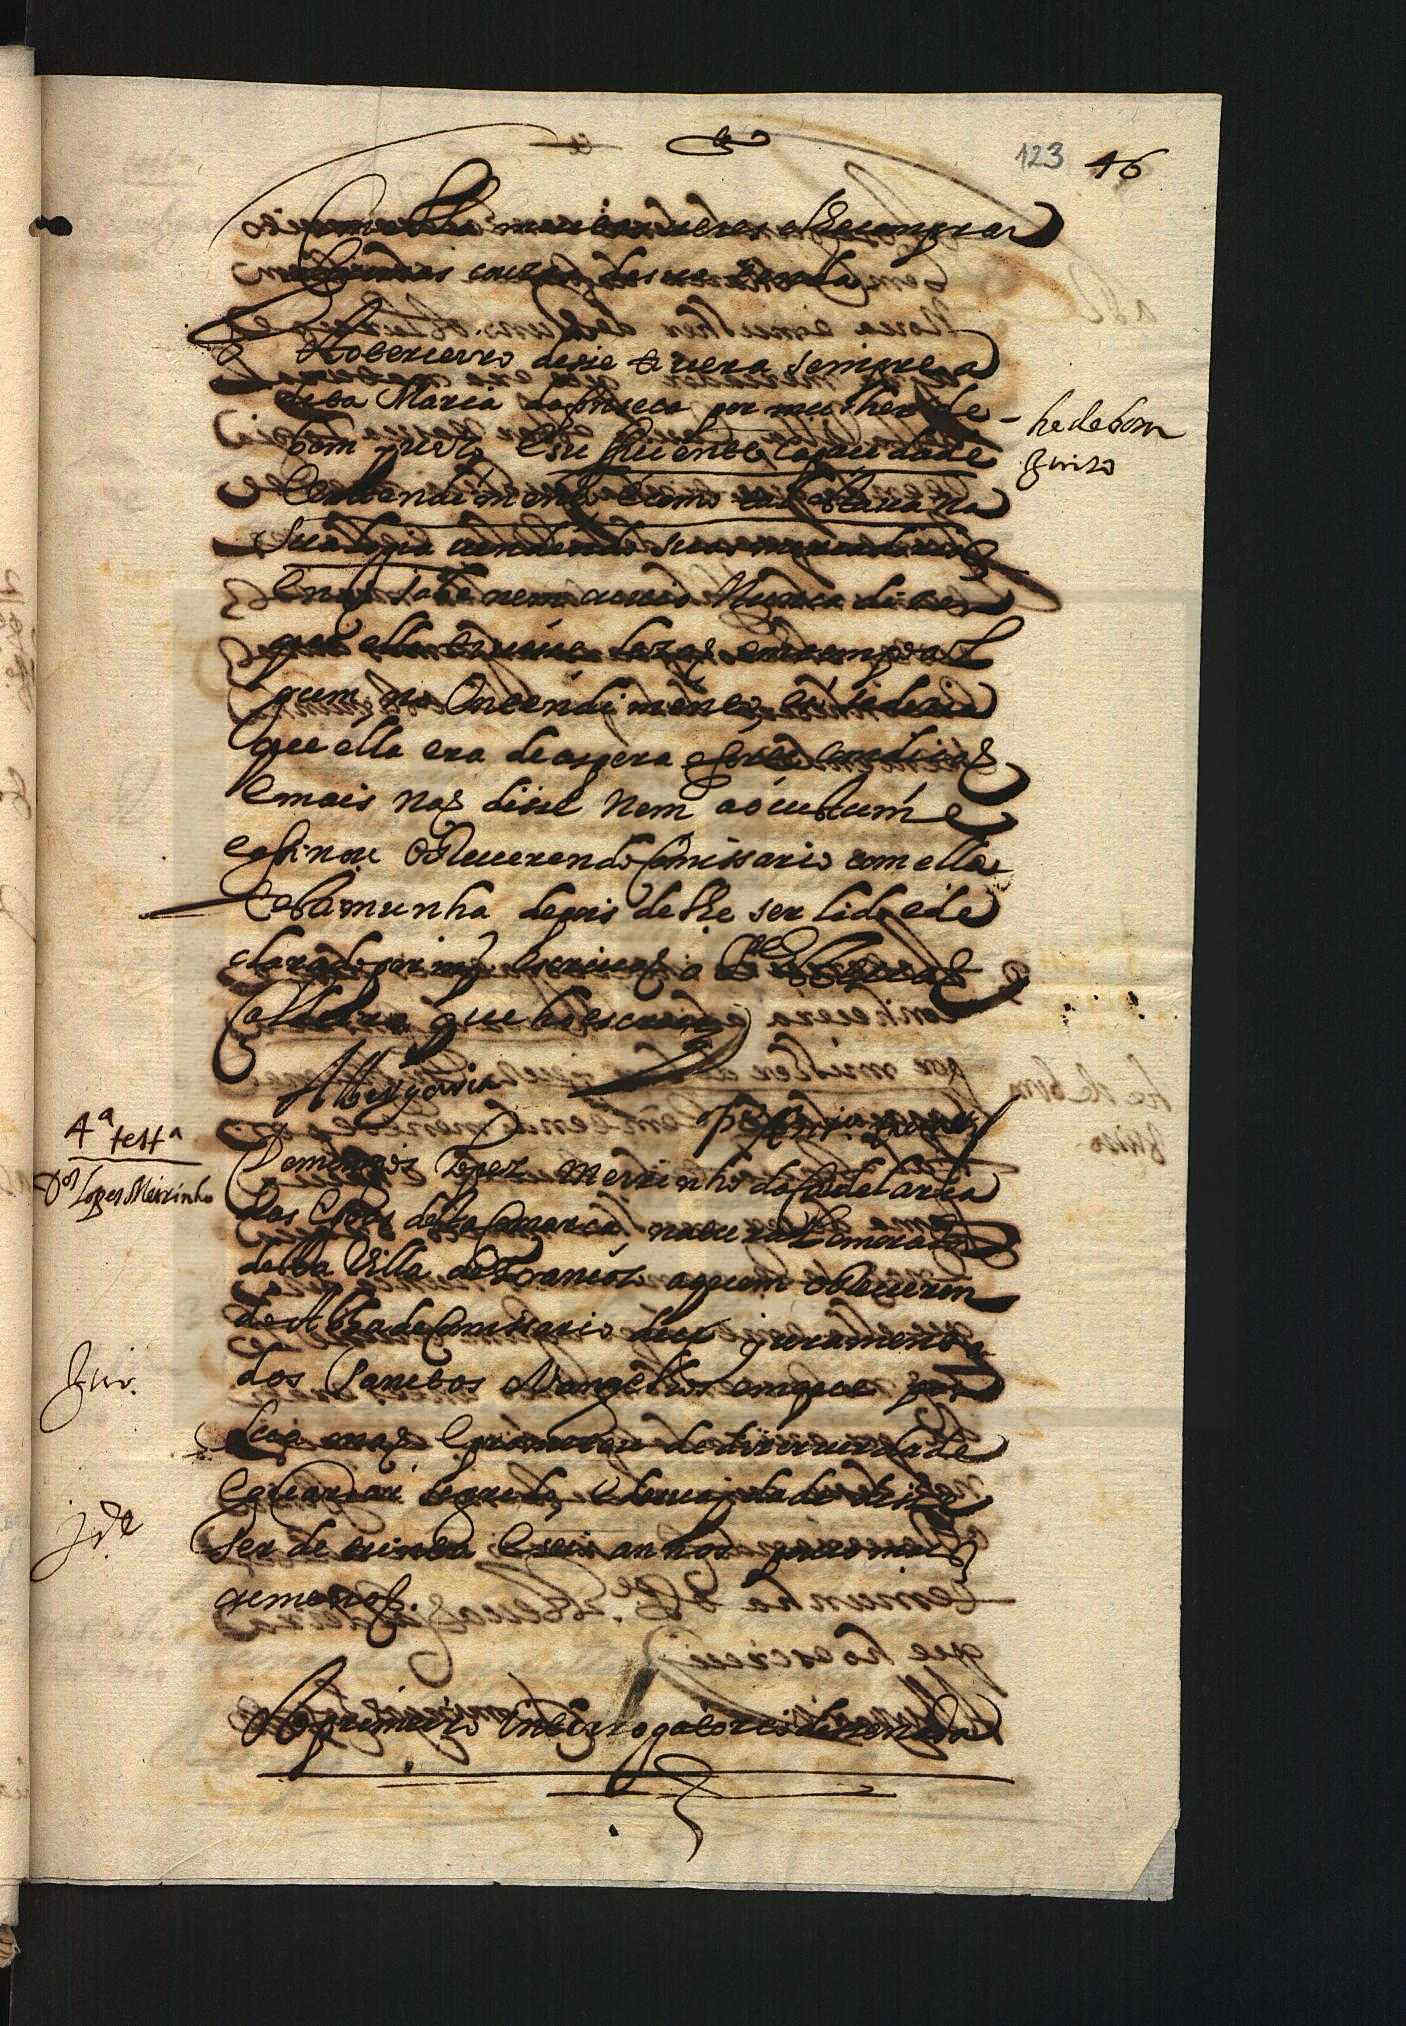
46
Com ella na casa e carceres e lhe comprar
algumas couzas de sua tenda
Ao terceiro disse tivera sempre a
dita Maria da fonseca por mulher de
he de bom
Juizo
bom juizo e sufficiente capacidade
E entendimento, e como tal estaua na
Sua logia uendendo suas mercadorias
E naõ sabe nem ouuiu Nunca dizer
que ella tiuesse Lezaõ em tempo al
gum; no Entendimento, e se dezia
que ella era de aspera e forte comdiçaõ
E mais naõ disse nem ao custume
e assinou o Reuerendo Comissario com ella
testemunha depois de lhe ser Lido e de
clarado por mj̄ Escriuaõ a P.o Esteuaõ
Caldeira que ho escreuj
Albergaria
o pe Ant.o tauares
4a testa
Dos Lopes Meirinho
Domingos Lopez meirinho da Codelaria
das Cortes desta Comarca; natural e morador
desta Villa de Trancozo a quem o Reueren
do Abbade Comissario deu juramento
dos Sanctos evangelhos em que pos
Jur.
Sua maõ e prometeu de dizer uerdade
E guardar segredo, e de sua idade disse
Jd.e
Ser de uinte e seis annos
pouco mais
ou menos.
Ao primeiro interrogatorio disse nada
